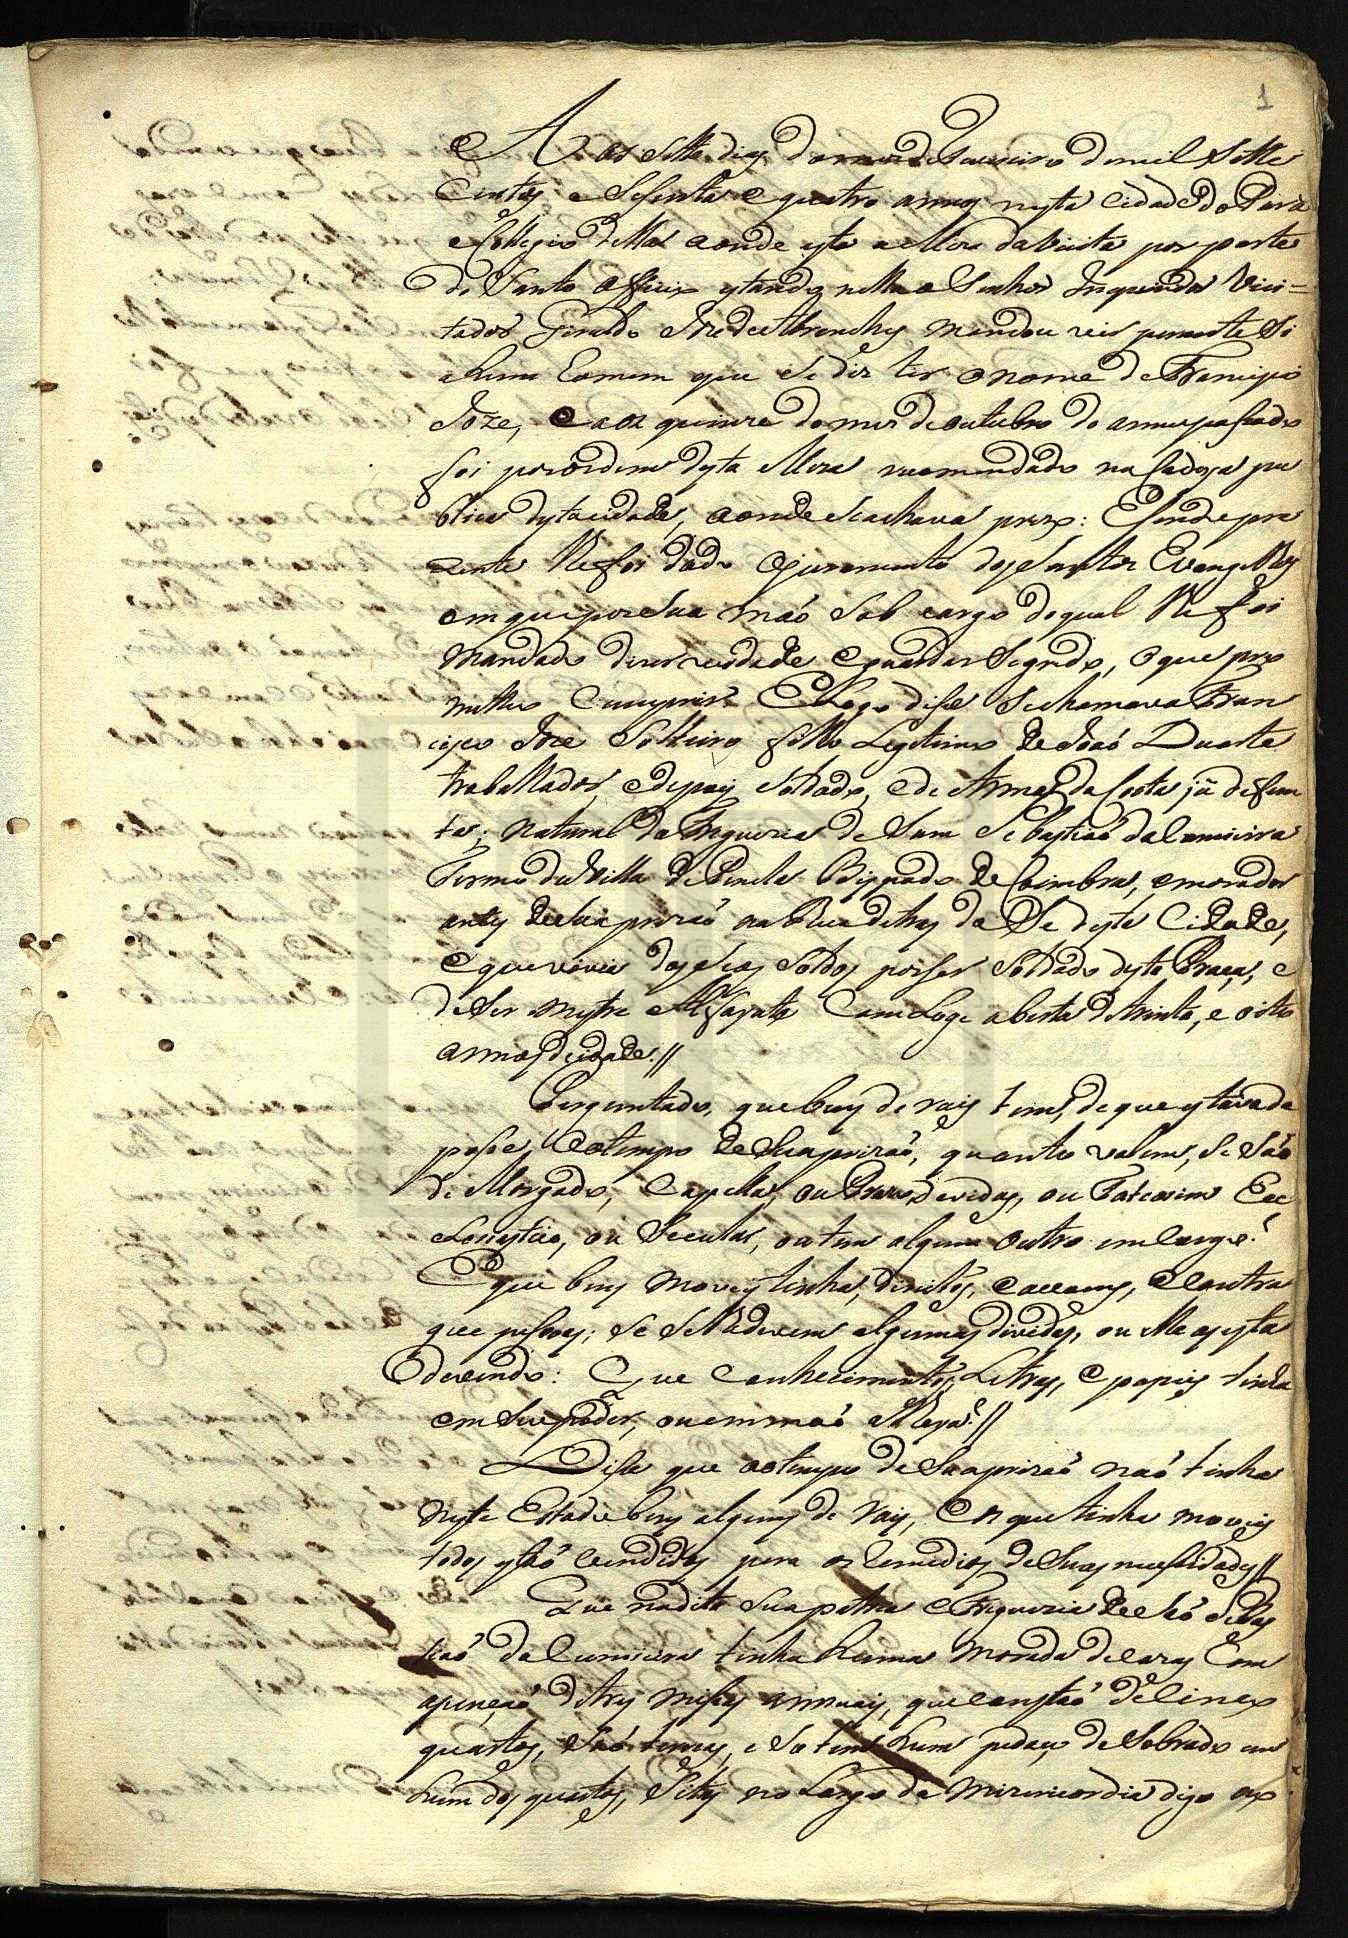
Aos sette dias do mez de Feuereiro de mil Sette
centos e Sesenta e quatro annos nesta cidade do Para
e Collegio della aonde esta a Meza da visita por parte
do Santo officio estando nella o Senhor Inquizidor Vizi
tador Giraldo Joze de Abranches mandou vir perante Si
a hum homem que se diz ter o nome de Francisco
Joze, e aos quinze do mes de outubro do anno passado
foi por ordem desta Meza recomendado na Cadeya pu
blica desta cidade, aonde Se achaua prezo: E sendo pre
zente lhe foi dado o juramento dos Santos Evangelhos
em que poz Sua maõ Sob cargo do qual lhe foi
mandado dizer verdade e guardar Segredo, O que pro
metteo cumprir E Logo disse Se chamava Fran
cisco Joze Solteiro filho Legitimo de Joaõ Duarte
trabalhador, e depois soldado, e de Anna da Costa já defun
ta; natural da Freguezia de Sam Sebastiaõ da Comieira
Termo da Villa de Penela Bispado de Coimbra, e morador
antes de sua prizaõ na Rua detras da Se deste Cidade,
e que vivia dos seos soldos por ser Soldado desta Praça, e
de Ser mestre Alfayate Com Loge aberta de trinta, e oito
annos de idade.//
Perguntado, que bens de rais tem, de que estava de
posses, ao tempo de Sua prizaõ, quanto valem, Se Saõ
de Morgado, Capella, ou Prazo devidas, ou Fateosim Ecc
cLesastico, ou Secular, ou tem algum outro em cargo?
E que bens moveis tinha, direitos, e accoens, e contra
que pessoas; se se lhe devem algumas dividas, ou lhe as esta
devendo: Que conhecimentos, Letras, e papeis tinha
em Seu poder, ou em maõ alheya?//
Disse que ao tempo de Sua prizaõ naõ tinha
neste Estado bens alguns de rais, E os que tinha moveis
todos estaõ uendidos para os Remedios de Suas necessidades//
Que na dita sua patria e Freguezia de Saõ Sebas
tiaõ da Cumieira tinha huma morada de cazas com
a pençaõ de tres missas a mais, que constaõ de cinco
quartos, são terreas, e so tem hum pedaço de Sobrado em
hum dos quartos, sitas no Largo da Mizericordia digo ao
